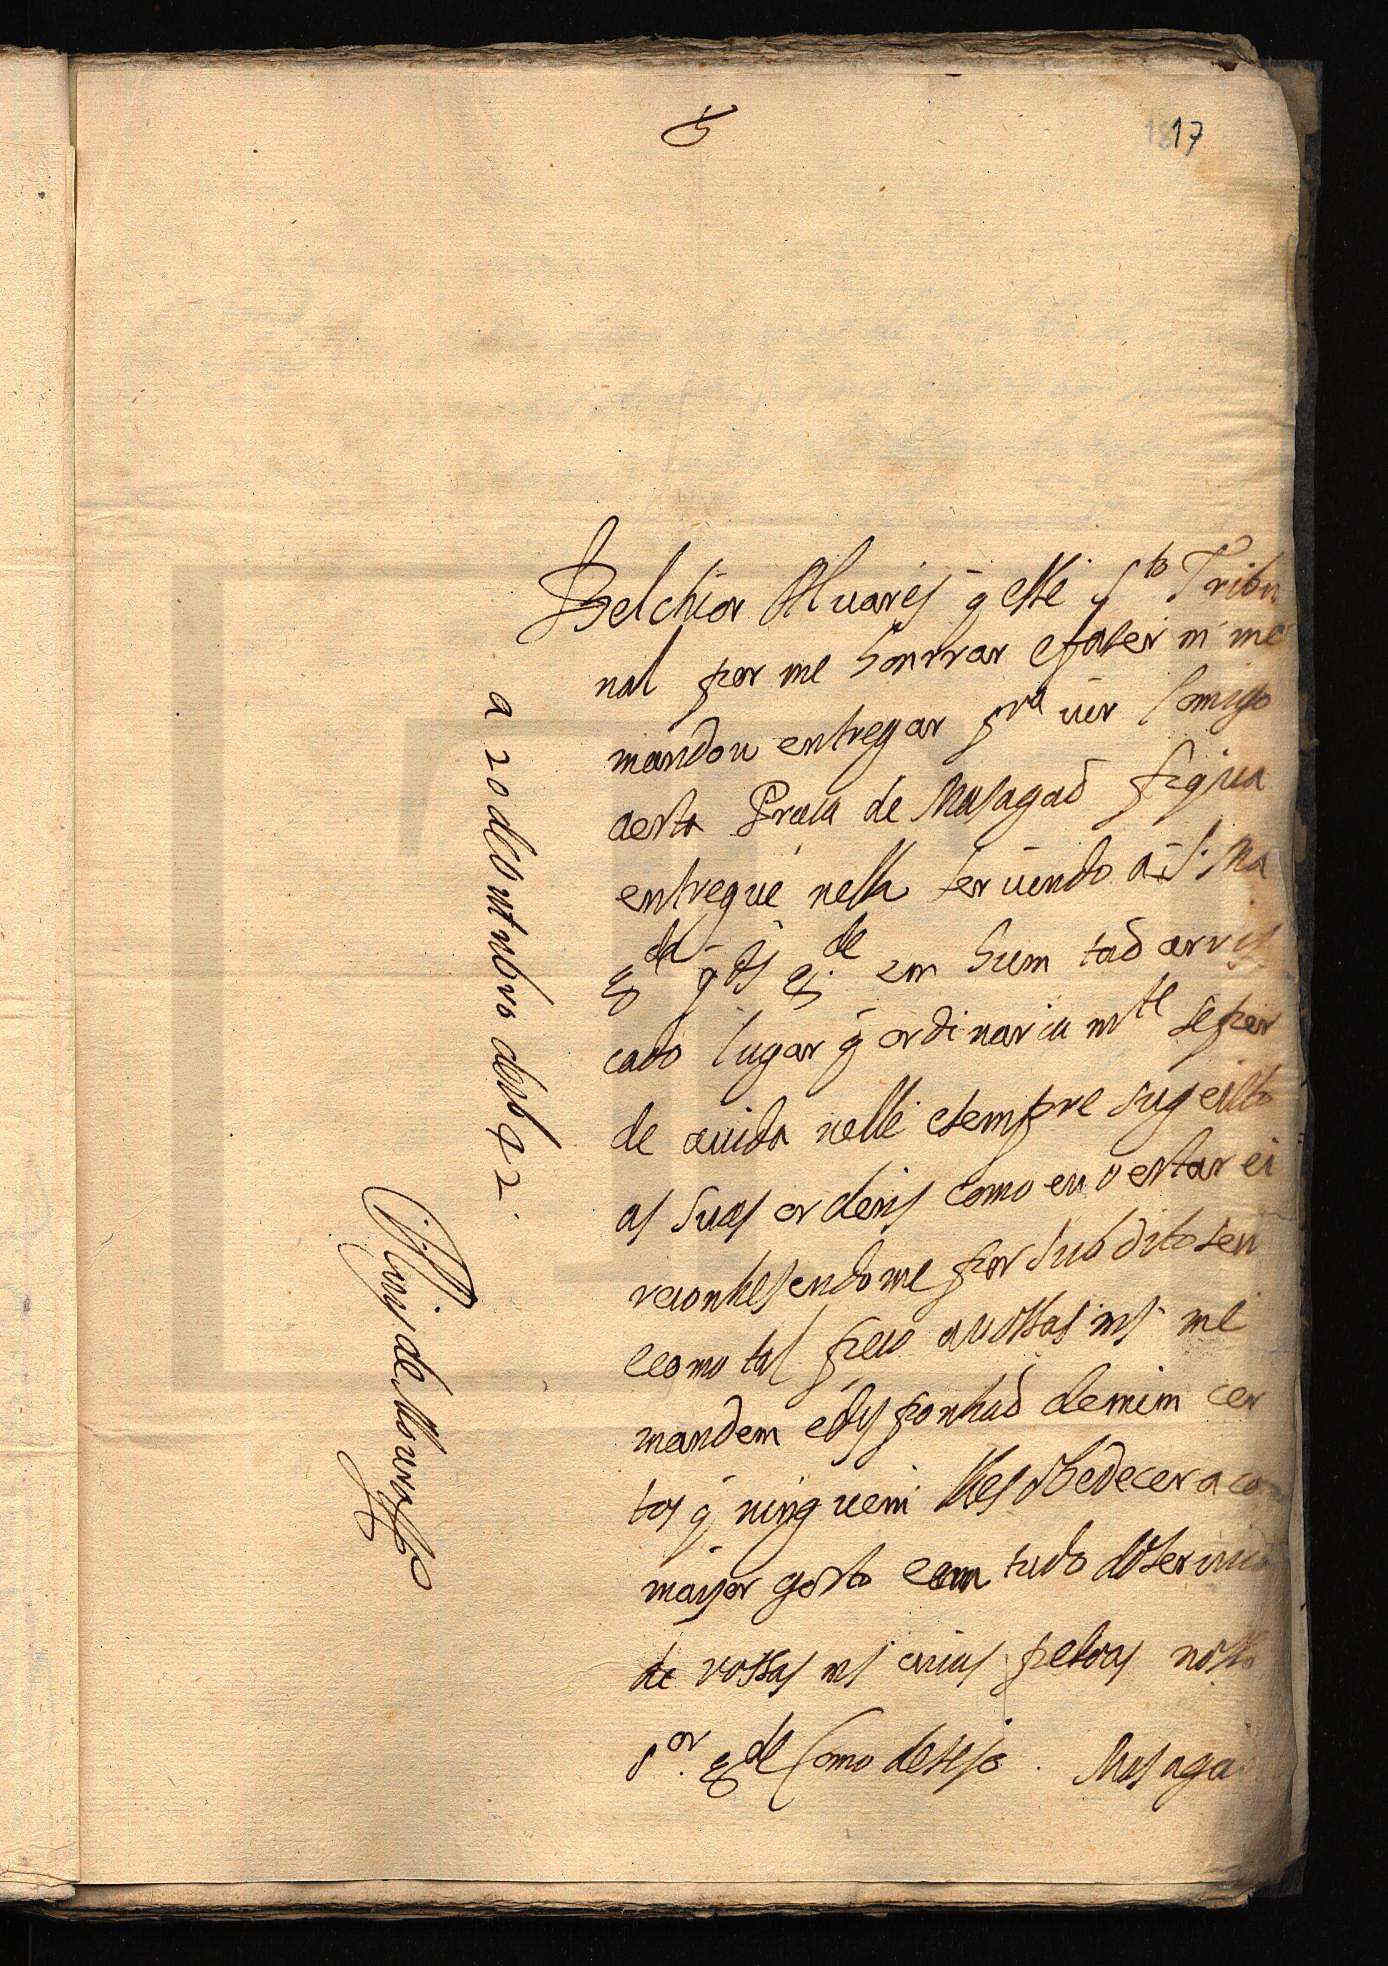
Belchior Aluares q̄ elle S.to Tribu
nal por me honrrar e fazer m me
mandou entregar pra uir Comigo
a esta Praça de Mazagaõ fiqua
entregue nella seruindo a S. Ma
gde q̄ ds̄ g.de em hum taõ arris
cado lugar q̄ ordinariamte se per
de a uida nelle e sempre sugeitto
as suas ordens como eu o estar ei
reconhesendome por subdito seu
e como tal peço a vossas ms. me
mandem e disponhaõ de mim cer
tos q̄ ninguem lhes obedecera co
mayor gosto e em tudo do seruiço
de vossas ms cuias pesoas nosso
sor. gde Como desejo. Masagaõ
